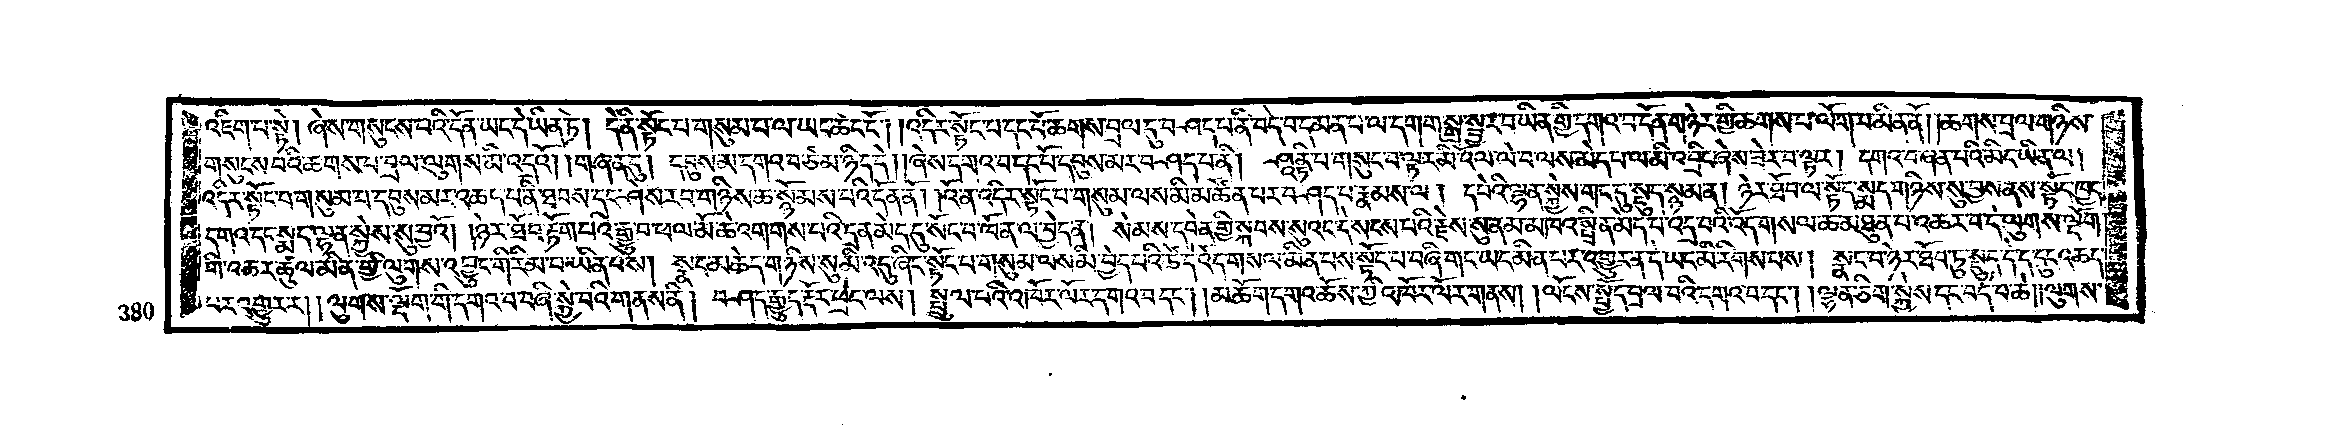འཇིག་པ་སྟེ། ཞེས་གསུངས་པའི་དོན་ཡང་དེ་ཡིན་ཏ། དེ་ནི་སྟོང་པ་གསུམ་པ་ལ་ཡང་ཆེང་ངོ། །འདིར་སྟོང་པ་དང་པོ་ཆགས་བྲལ་དུ་བཤད་པ་ནི་བདེ་བ་དམན་པ་ལ་དགག་སྒྲ་སྦྱར་བ་ཡིན་གྱི་དགའ་བ་དོན་གཉེར་གྱི་ཆགས་པ་ལོག་པ་མིན་ནོ། །ཆགས་བྲལ་གཉིས་
གསུངས་བའི་ཆགས་པ་བྲལ་ལུགས་མི་འདྲའོ། །གཞན་དུ། དབུས་མ་དགའ་བ་ཙམ་ཉིད་དེ། །ཞེས་དགའ་བ་དང་པོ་དབུས་མར་བཤད་པ་ནི། ཤཱནྟི་པ་གསུང་བ་ལྟར་མི་འོལ་ལེ་བ་ལས་མེད་པ་ལ་མི་འབྲིང་ཞེས་ཟེར་བ་ལྟར། དགའ་བ་ཞན་པའི་མིང་ཡིན་ལ།
འདིར་སྟོང་པ་གསུམ་པ་དབུས་མར་འཆད་པ་ནི་ཐབས་དང་ཤེས་རབ་གཉིས་ཆ་སྙོམས་པའི་དོན་ནོ། །འོ་ན་འདིར་སྟོང་པ་གསུམ་ལས་མི་མཚོན་པར་བཤད་པ་རྣམས་ལ། དཔེའི་ལྷན་སྐྱེས་གང་དུ་སྡུད་སྙམ་ན། ཉེར་ཐོབ་ལ་སྟོད་སྨད་གཉིས་སུ་བྱས་ནས་སྟོད་ཁྱད་
དགའ་དང་སྨད་ལྷན་སྐྱེས་སུ་བྱའོ། །ཉེར་ཐོབ་རྟོག་པའི་རྒྱུ་བ་ཕལ་མོ་ཆེ་འགགས་པའི་དྲན་མེད་དུ་སོང་བ་ཁོ་ན་ལ་བྱེད་ན། སེམས་དབེན་གྱི་སྐབས་སུའང་དེ་སངས་པའི་རྗེས་སུ་ནམ་མཁའ་སྤྲིན་མེད་པ་འདྲ་བའི་འོད་གསལ་ཆ་མཐུན་པ་འཆར་བ་དེ་ལུགས་ལྡོག་
གི་འཆར་ཚུལ་མིན་གྱི་ལུགས་འབྱུང་གི་རིམ་པ་ཡིན་པས། སྣང་མཆེད་གཉིས་སུ་མི་འདུ་ཞིང་སྟོང་པ་གསུམ་ལས་མི་བྱེད་པའི་ཚེ་དེ་འོད་གསལ་མིན་པས་སྟོང་པ་བཞི་གང་ཡང་མིན་པར་འགྱུར་ན་དེ་ཡང་མི་རིགས་པས། སྣང་བ་ཉེར་ཐོབ་ཏུ་སྡུད་དེ་ད་དུང་འཆད་
པར་འགྱུར་རོ། །ལུགས་ལྡོག་གི་དགའ་བ་བཞི་སྐྱེ་བའི་གནས་ནི། བཤད་རྒྱུད་རྡོར་ཕྲེང་ལས། སྤྲུལ་པའི་འཁོར་ལོར་དགའ་བ་དང་། །མཆོག་དགའ་ཆོས་ཀྱི་འཁོར་ལོར་གནས། །ལོངས་སྤྱོད་བྲལ་བའི་དགའ་བ་དང་། །ལྷན་ཅིག་སྐྱེས་དང་བདེ་བ་ཆེ། །ལུགས་